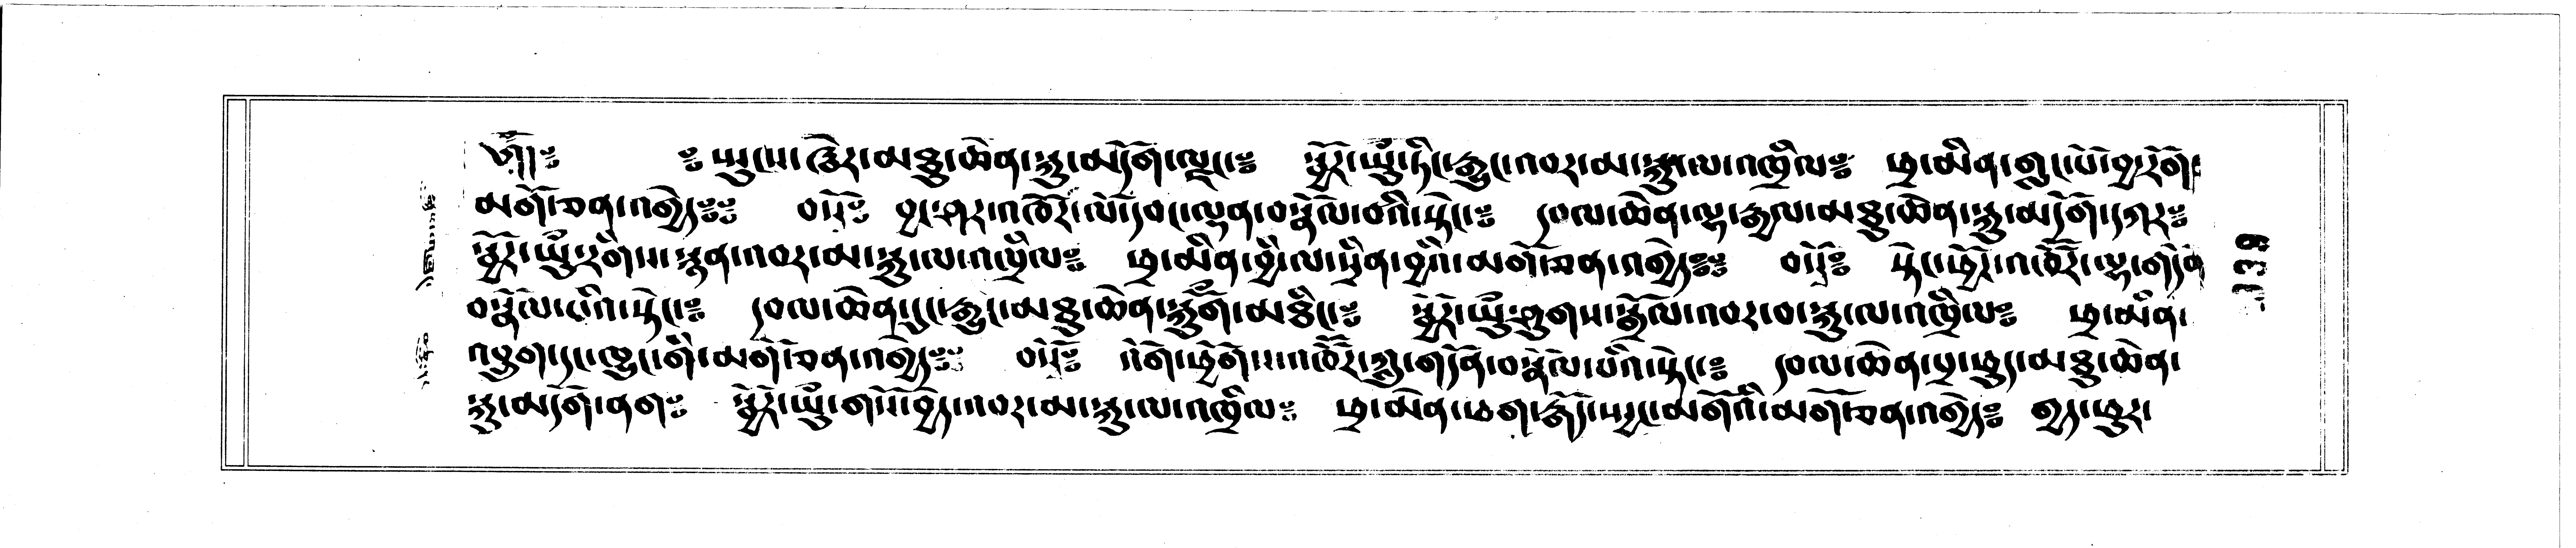སྤུངས་ཝེར་མཐུ་ཆེན་སྐུ་མདོག་ལྗང་༔ སྦྱོར་ཡུམ་ཏིང་རྒྱུང་འབར་མ་སྐུ་ལ་འཁྲིལ༔ ཕྲ་མེན་གླང་པོ་བྱ་རོག་
མགོ་ཅན་འགྱེད༔༔ བསྭོ༔ བྱང་ཤར་འཁོར་ལོ་དབང་ལྡན་བསྣོལ་བའི་སྟེང་༔ དབལ་ཆེན་ལྷ་རྒྱལ་མཐུ་ཆེན་སྐུ་མདོག་དཀར༔
 སྦྱོར་ཡུམ་རིགས་སྙན་འབར་མ་སྐུ་ལ་འཁྲིལ༔ ཕྲ་མེན་བྱི་ལ་སྲིན་བྱའི་མགོ་ཅན་འགྱེད༔ བསྭོ༔ སྟེང་ཕྱོགས་འཁོར་ལོ་ལྷ་གདོན་
བསྣོལ་བའི་སྟེང་༔ དབལ་ཆེན་དུང་རྒྱུང་མཐུ་ཆེན་སྐུ་མདོག་མཐིང་༔ སྦྱོར་ཡུམ་ཤུགས་སྒྲོལ་འབར་བ་སྐུ་ལ་འཁྲིལ༔ ཕྲ་མེན་
འབྲུག་དང་ཁྱུང་གི་མགོ་ཅན་འགྱེད༔༔ བསྭོ༔ འོག་ཕྱོགས་འཁོར་ལོ་ཀླུ་གདོན་བསྣོལ་བའི་སྟེང་༔ དབལ་ཆེན་པྲ་ཕུད་མཐུ་ཆེན་
སྐུ་མདོག་ནགཿ སྦྱོར་ཡུམ་གསོ་བྱེད་འབར་མ་སྐུ་ལ་འཁྲིལ༔ ཕྲ་མེན་ཕག་རྒོད་སྤྱང་མགོའི་མགོ་ཅན་འགྱེད༔ གྱད་ཕུར་